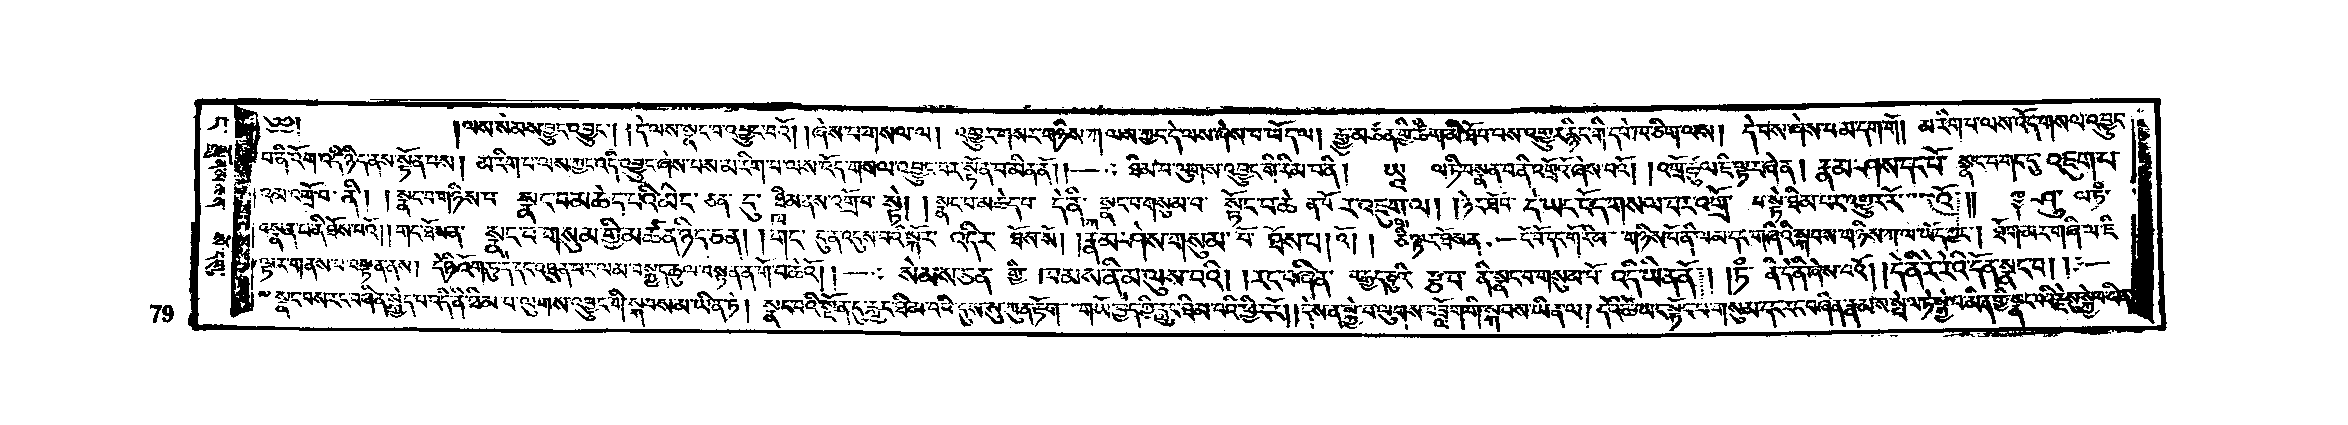༄༅། །ལས་སེམས་བྱུང་འབྱུང་། །དེ་ལས་སྣང་བ་འབྱུང་བའོ། །ཞེས་པ་གསལ་ལ། འགྱུར་གསར་གཉིས་ཀ་ལ་ཀྱང་དེ་ལས་ཞེས་པ་ཡོད་ལ། རྒྱུ་མཚན་གྱི་ཚིག་མི་ཐོབ་པས་འགྱུར་རྙིང་གི་དཔེ་ཁ་ཅིག་ལས། དེ་པས་ཞེས་པ་མ་དག་གོ །མ་རིགས་པ་ལས་འོད་གསལ་འབྱུང་
བ་ནི་འོག་འདི་ཉིད་ནས་སྟོན་པས། མ་རིག་པ་ལ་ཀྱང་འདི་འབྱུང་ཞེས་པས་མ་རིགས་པ་ལས་འོད་གསལ་འབྱུང་བར་སྟོན་པ་མིན་ནོ།.༑ཐིམ་པ་ལུགས་འབྱུང་གི་རིམ་པ་ནི། ཡཱ་ལ་ཏི་བསྣང་པ་ནི་འགྲོའོ་ཞེས་པའོ། །འགྲོ་སུལ་ཇི་ལྟར་ཞིན། རྣམ་ཤེས་དང་པོ་སྣང་བ་གང་དུ་འཇུག་པ་
འམ་འགྲོ་བ་ནི་།སྣང་བ་གཉིས་པ་སྣང་བ་མཆེད་པའི་མིང་ཅན་དུ་ཐིམ་ནས་འགྲོ་བ་སྟེ། །སྣང་བ་མེད་པ་དེ་ནི་སྣང་བ་གསུམ་པ་སྟོང་པ་ཆེན་པོར་འཇུག་ལ། །ཉེར་ཐོབ་དེ་ཡང་འོད་གསལ་བར་འགོར་བ་སྟེ་ཐིམ་པར་འགུར་རོའོ།། ༈ ཤུ་ལ་ཏཾ་
བསྣན་པ་ནི་ཐོས་པའོ། །གང་ཐོས་ན་སྣང་བ་གསུམ་གྱི་མཚན་ཉིད་ཅན། །གང་དུ་ན་འདུས་པའི་སོར་འདིར་ཐོས་སོ། །རྣམ་ཤེས་གསུམ་པོ་ཐོས་པ། འོ། །ཅི་ལྟར་ཐོས་ནཿངོ་བོ་དང་གོ་རིམ་གཉིས་པོ་ནི་ལམ་དང་བཞིའི་སྐབས་གཉིས་ཀ་ལ་ཡོད་ཀྱང་། ཐོག་མར་གཞི་ལ་ཇི་
ལྟར་གནས་པ་བསྟན་ནས། དེའི་འོག་ཏུ་དེ་དང་འཐུན་པར་ལམ་བསྐྱེད་ཚུལ་བསྟན་ན་གོ་བ་ཆེའོ།།.Hསེམས་ཅན་གྱི་ཁམས་ནི་མ་ལུས་པའི། །རང་བཞིན་བརྒྱུད་ཅུའི་རྩ་བ་ནི་སྣང་བ་གསུམ་པོ་འདི་ཡིན་ནོ། །ཏམ་ནི་དེ་ནི་ཞེས་པའོ། །དེ་ནི་རེ་རེའི་དོན་སྣང་བ། །H.
༧སྣང་བས་རང་བཞིན་སྐྱེད་པ་འདི་ནི་ཐིམ་པ་ལུགས་འབྱུང་གི་སྐབས་མ་ཡིན་ཏེ། སྣང་བའི་སྔོན་དུ་རླུང་ཐིམ་པའི་དུས་སུ་ཀུན་རྟོག་གཡ་བྱེད་ཀྱི་རླུང་ཏིམ་པའི་ཕྱིར་རོ། །དེས་ན་སྐྱེ་བ་ལུགས་བཟློག་གི་སྐབས་ཡིན་ལ། དེའི་ཚེ་ཡང་སྟོང་པ་གསུམ་དང་རང་བཞིན་རྣམས་སྤེལ་ཏེ་སྐྱེ་བ་མིན་གྱི་སྣང་བའི་རྗེས་སུ་སྐྱེ་བ་ཡིན་